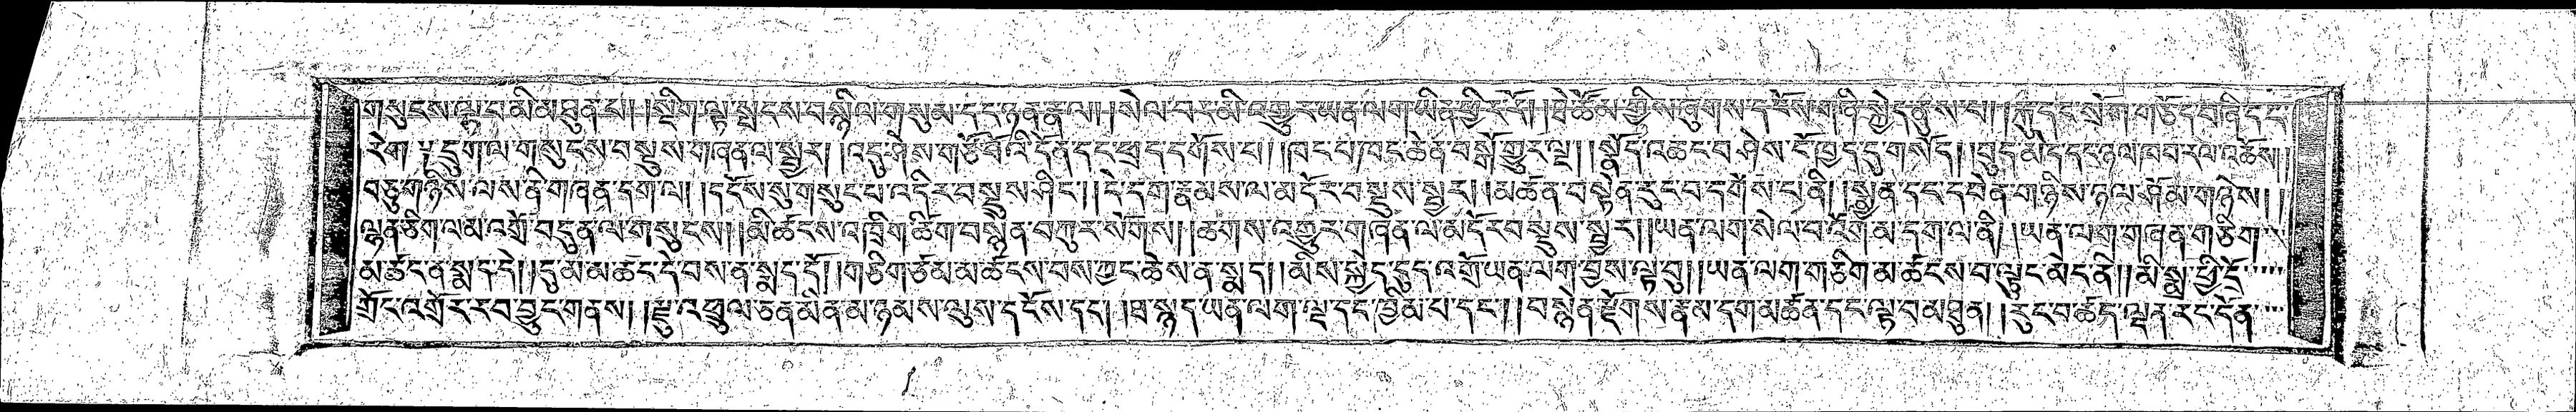གསུངས་ལྷ་བ་མི་མཐུན་པ། །སྡིག་ལྟ་སྤངས་བསྙིལ་གསུམ་དང་ཉན་རྣ་ལ། །སེལ་བར་མི་འགྱུར་ཡན་ལག་ཡིན་ཕྱིར་རོ། །ཐེ་ཚོམ་གྱིས་ཞུགས་དངོས་གཞི་སྐྱེད་ནུས་པ། །རྐུ་དང་སྲོག་གཅོད་བཞི་དང་
རེག ༈དྲུག་ལ་གསུངས་བསྡུས་གཞན་ལ་སྦྱར། །འདུ་ཤེས་གཙོ་བོའི་དོན་དང་ཕྲད་དགོས་པ། །ཁང་པ་ཁང་ཆེན་བསྒོ་གྱུར་ལྔ། །སྣོད་འཆང་བཤེས་ངོ་ཁྱད་དུ་གསོད། །བུད་མེད་དང་ཉལ་ཁབ་རལ་འཆོས། །
བཅུ་གཉིས་ལས་ནི་གཞན་དག་ལ། །དངོས་སུ་གསུང་པ་འདིར་བསྡུས་ཤིང་། །དེ་དག་རྣམས་ལ་མདོར་བསྡུས་སྦྱར། །མཚན་བསྟེན་རུང་བ་དགོས་པ་ནི། །སྨྱན་དང་དབེན་གཉིས་ཉལ་ཤོམ་གཉིས། །
ལྷན་ཅིག་ལམ་འགྲོ་བདུན་ལ་གསུངས། །མི་ཚངས་འཁྲིག་ཚིག་བསྙེན་བཀུར་སོགས། །ཆགས་འགྱུར་གཞན་ལ་མདོར་བསྡུས་སྦྱར། །ཡན་ལག་སེལ་བ་འོག་མ་དག་ལ་ནི། །ཡན་ལག་གཞན་གཅིག་
མ་ཚང་ན་སྨད་དེ། །དུ་མ་མ་ཚང་དེ་བས་ན་སྨད་དོ། །གཅིག་ཙམ་མ་ཚངས་པས་ཀྱང་ཆེས་ན་སྨད། །མིས་སྐྱེད་དུད་འགྲོ་ཡན་ལག་བྱས་ལྟ་བུ། །ཡན་ལག་གཅིག་མ་ཚངས་བ་ལྟུང་མེད་ནི། །མི་སྨྲ་ཕྱི་དྲོ་
གྲོང་འགྲོར་རབ་བྱུང་གནས། །རྫུ་འཕྲུལ་ཅན་མིན་མ་ཉམས་ལུས་དངོས་དང་། །ཐ་སྙད་ཡན་ལག་ལྔ་དང་ཁྱིམ་པ་དང་། །བསྙེན་རྫོགས་རྣམ་དག་མཚན་དང་ལྟ་བ་མཐུན། །རུང་བ་ཚད་ལྡན་རང་དོན་